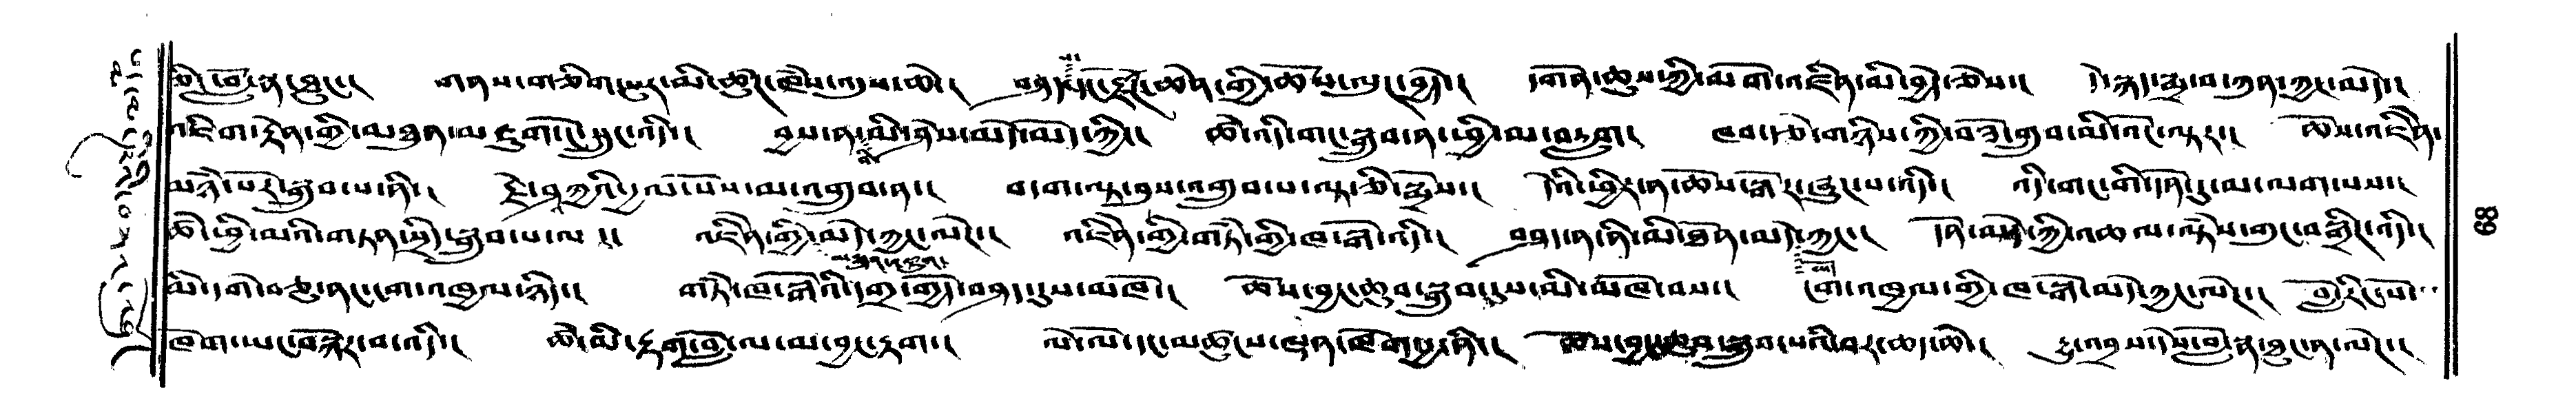ཅིང་བློ་སྣ་ཐུང་། །གནས་གཅིག་པུར་མི་ཚུགས་ཁམས་འདུས་ཆེ། །བཤད་པ་དང་རྫོགས་ཆེན་གྱི་ཆོས་ལུགས་བྱེད། །དགོན་ཆུས་ཀྱི་མགོ་འཛིན་མི་བྱེད་ཅེས། །དེ་སྐད་སྨྲ་བ་ཀུན་ཀྱང་མེད། །
འཇིག་རྟེན་གྱི་མཐུན་འཇུག་ངོ་སྲུང་འདི། །བྱས་ན་ནི་མི་ཤེས་མེད་མོད་ཀྱི། །ཚེ་འདི་གང་སྒྲུབ་ན་ཕྱི་མ་བརླག ཁབ་རྩེ་གཉིས་ཀྱི་བཟོ་དྲུབ་མི་འོང་ལྟར། །ཆོས་འཇིག་རྟེན་
མཉམ་པོར་སྒྲུབ་པ་ནི། །རྗེ་ཤཱཀྱའི་རྒྱལ་པོས་མ་འགྲུབ་ན། །བདག་ལྟ་བུས་འགྲུབ་པ་ལྟ་ཅི་སྨྲོས། །དེའི་ཕྱིར་ན་ཆོས་སྒོར་ཞུགས་པ་འདི། །འདི་གང་གི་དོན་དུ་མ་ལགས་པས། །
ཚེ་ཕྱི་མའི་གཏན་སྲིད་སྒྲུབ་པ་ལ། །འཇིག་རྟེན་གྱི་མཐུན་འཇུག་མེད་ཀྱང་ལེགས། །འཇིག་རྟེན་གཏམ་གྱི་ཁ་སྒོ་འདི། །བཤད་ན་ནི་མི་ཐོན་མེད་མོད་ཀྱང་། །དོན་མེད་ཀྱི་འཆལ་གཏམ་གུང་བསྒྲིགས་འདི། །
མི་དགེ་བཅུ་ནང་ངག་འཁྱལ་ཉིད། །གཏམ་ཁ་སྒོ་དགྲ་གྱོད་བཤད་དུས་མཁོ། །ཆོས་བྱང་ཆུབ་སྒྲུབ་དུས་མི་མཁོ་བས། །ངག་འཁྱལ་གྱི་ཁ་སྒོ་མེད་ཀྱང་ལེགས། །བློ་རིང་པོ་
ཁོག་ཡངས་སྐོར་བ་འདི། །ཚེ་མི་རྟག་བློ་ལ་མ་བྱང་རྟག །ལེ་ལོ་དང་མཚུངས་ལྡན་ཁོག་རྒྱ་ནི། །ཆོས་བྱང་ཆུབ་སྒྲུབ་པའི་བར་ཆད་ཆེ། །རྒྱུ་འབྲས་དེས་བློ་སྣ་ཐུང་ན་ལེགས།